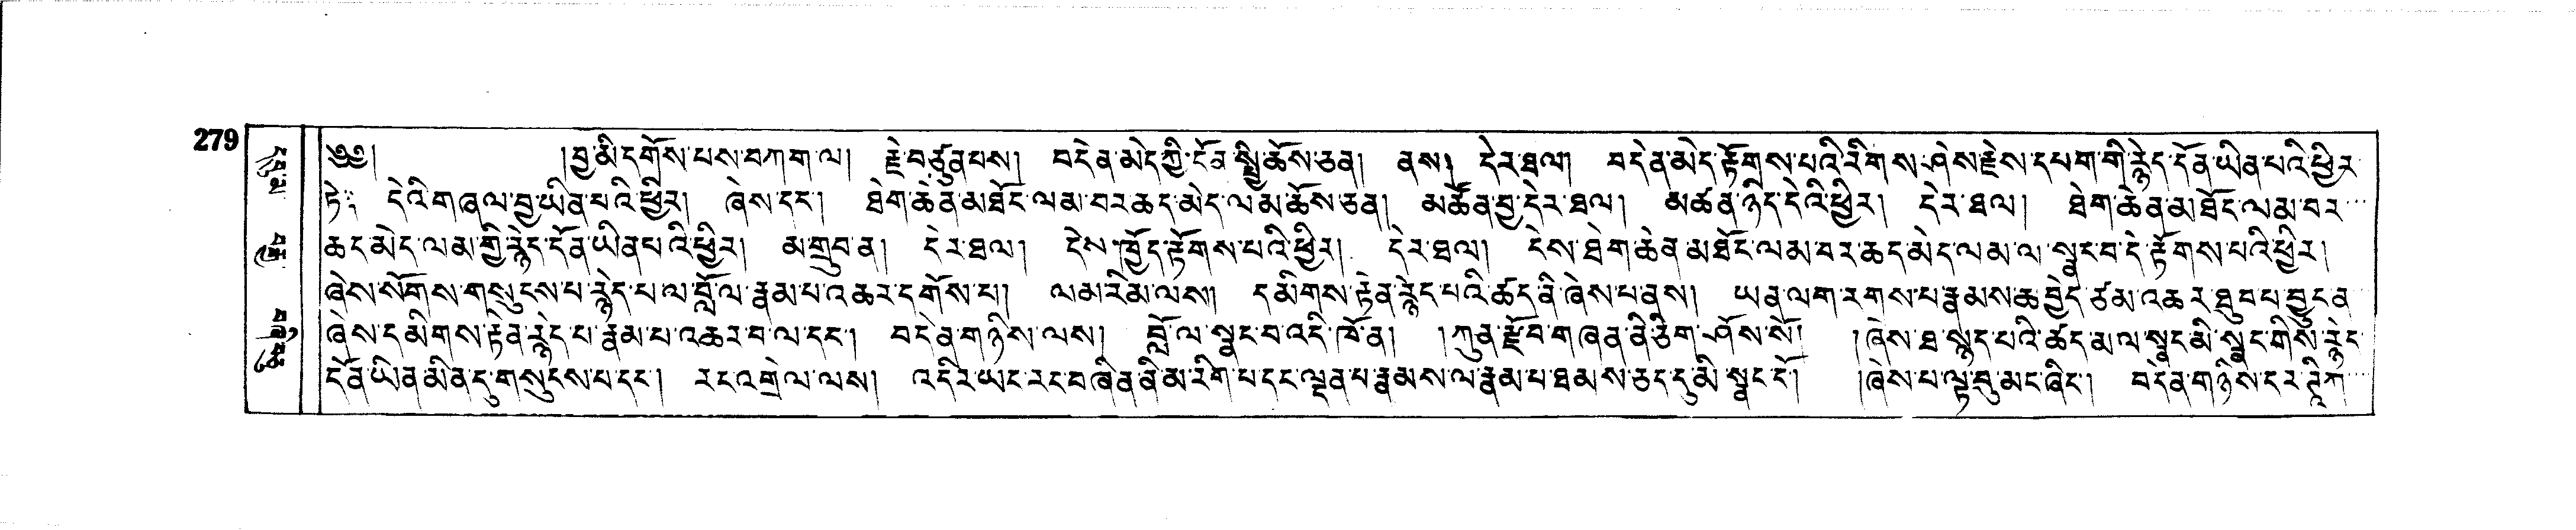༄༅། །བྱ་མི་དགོས་པས་བཀག་ལ། རྗེ་བཙུན་པས། བདེན་མེད་ཀྱི་དོན་སྤྱི་ཆོས་ཅན། ནས། དེར་ཐལ། བདེན་མེད་རྟོགས་པའི་རིགས་ཤེས་རྗེས་དཔག་གི་རྙེད་དོན་ཡིན་པའི་ཕྱིར་
ཏེ༑ དེའི་གཞལ་བྱ་ཡིན་པའི་ཕྱིར། ཞེས་དང་། ཐེག་ཆེན་མཐོང་ལམ་བར་ཆད་མེད་ལམ་ཆོས་ཅན། མཚོན་བྱ་དེར་ཐལ། མཚན་ཉིད་དེའི་ཕྱིར། དེར་ཐལ། ཐེག་ཆེན་མཐོང་ལམ་བར་
ཆད་མེད་ལམ་གྱི་རྙེད་དོན་ཡིན་པའི་ཕྱིར། མ་གྲུབ་ན། དེར་ཐལ། དེས་ཁྱོད་རྟོགས་པའི་ཕྱིར། དེར་ཐལ། ངེས་ཐེག་ཆེན་མཐོང་ལམ་བར་ཆད་མེད་ལམ་ལ་སྣང་བ་དེ་རྟོགས་པའི་ཕྱིར།
ཞེས་སོགས་གསུངས་པ་རྙེད་པ་ལ་བློ་ལ་རྣམ་པ་འཆར་དགོས་པ། ལམ་རིམ་ལས། དམིགས་རྟེན་རྙེད་པའི་ཚད་ནི་ཞེས་པ་ནས། ཡན་ལག་རགས་པ་རྣམས་ཆ་བྱེད་ཙམ་འཆར་ཐུབ་པ་བྱུང་ན་
ཞེས་དམིགས་རྟེན་རྙེད་པ་རྣམ་པ་འཆར་བ་ལ་དང་། བདེན་གཉིས་ལས། བློ་ལ་སྣང་བ་འདི་ཁོ་ན། །ཀུན་རྫོབ་གཞན་ནི་ཅིག་ཤོས་སོ། །ཞེས་ཐ་སྙད་པའི་ཚད་མ་ལ་སྣང་མི་སྣང་གིས་རྙེད་དོན་ཡིན་མིན་དུ་གསུངས་པ་དང་། རང་འགྲེལ་ལས། འདིར་ཡང་རང་བཞིན་ནི་མ་རིག་པ་དང་ལྡན་པ་རྣམས་ལ་རྣམ་པ་ཐམས་ཅད་དུ་མི་སྣང་ངོ། །ཞེས་པ་ལྟ་བུ་མང་ཞིང་། བདེན་གཉིས་དར་ཊཱིཀ་